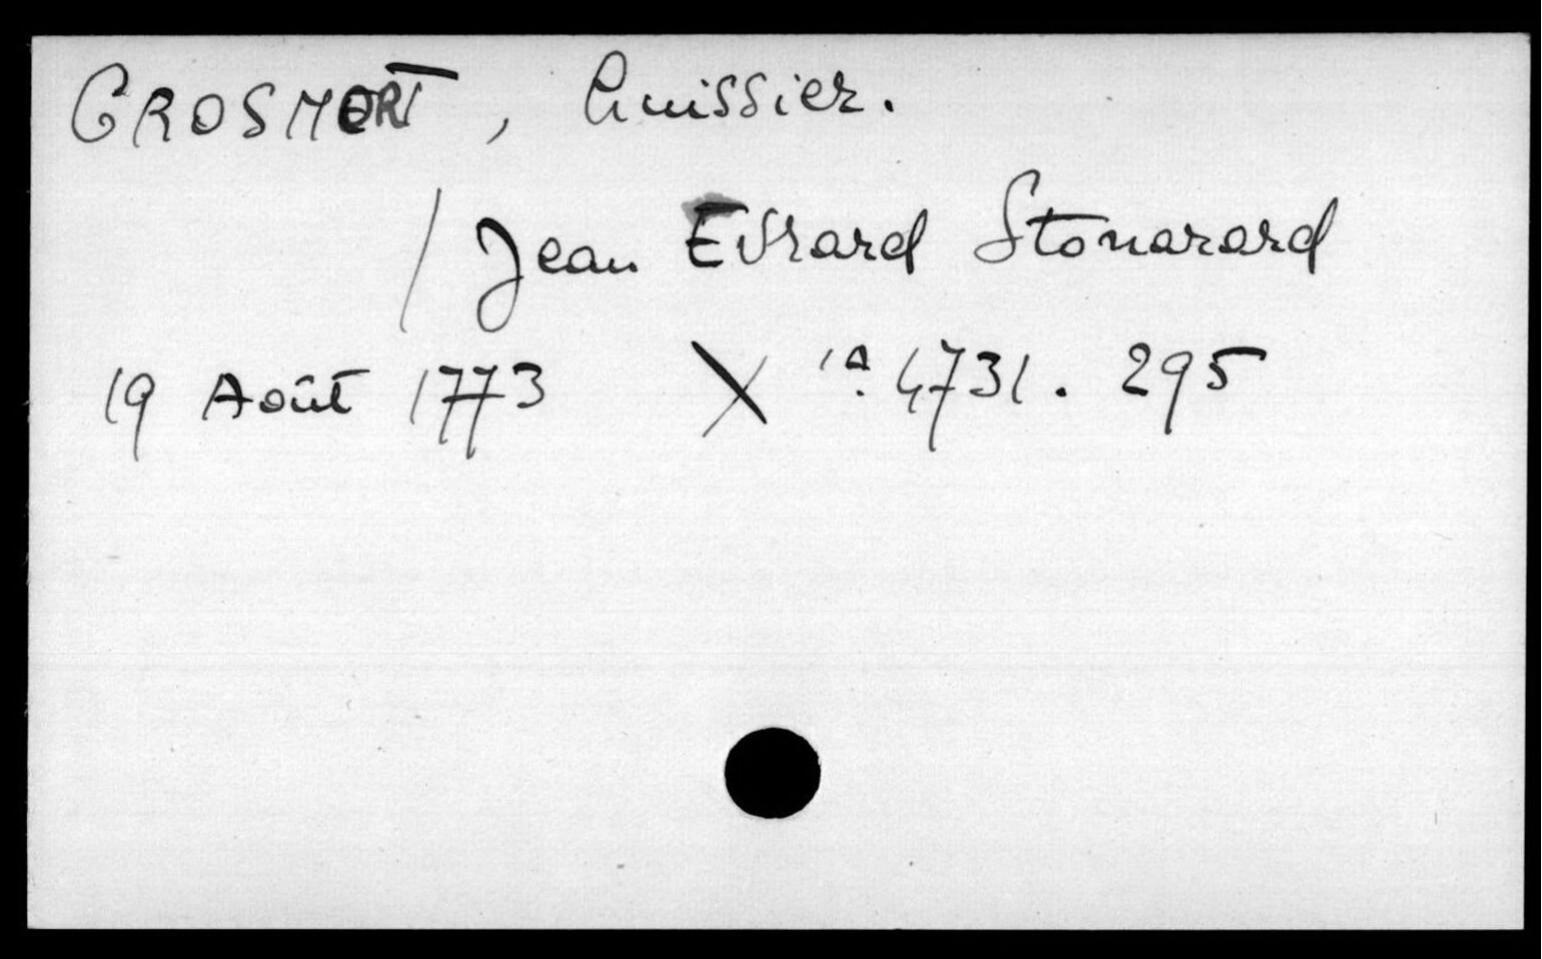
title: GROSMORT, huissier
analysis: Contre Jean Évrard Stonerard
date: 19 août 1773
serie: X1A
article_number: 4731
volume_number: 295
